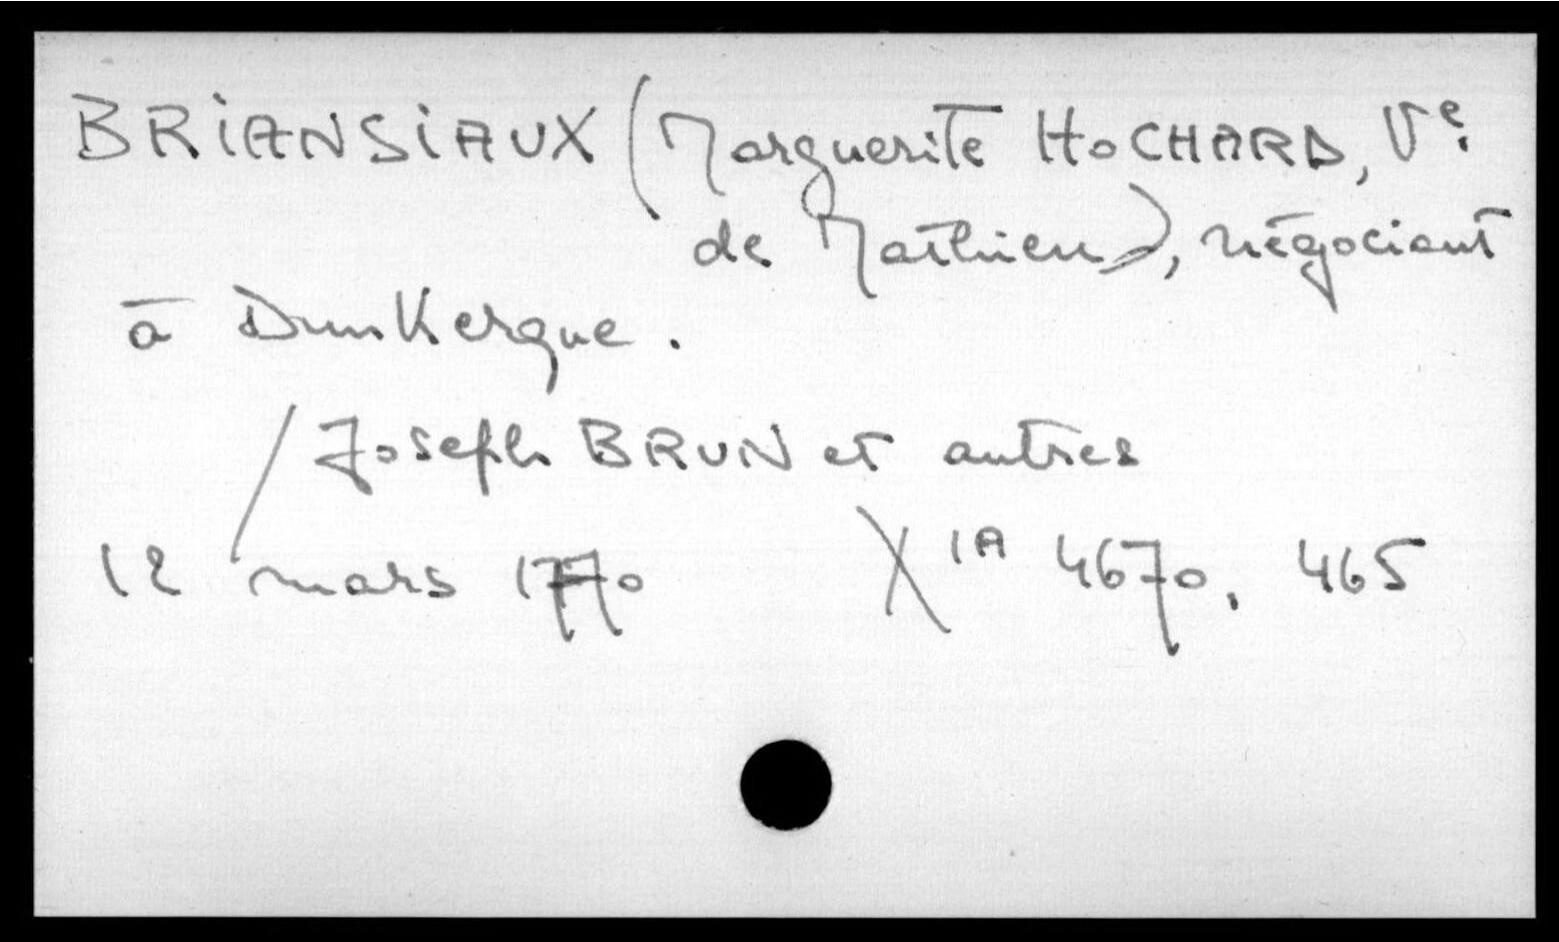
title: BRIANSIAUX (Marguerite HOCHARD, Veuve de Mathieu), négociant à Dunkerque
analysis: Contre Joseph BRUN et autres
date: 12 mars 1770
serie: X1A
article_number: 4670
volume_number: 465
